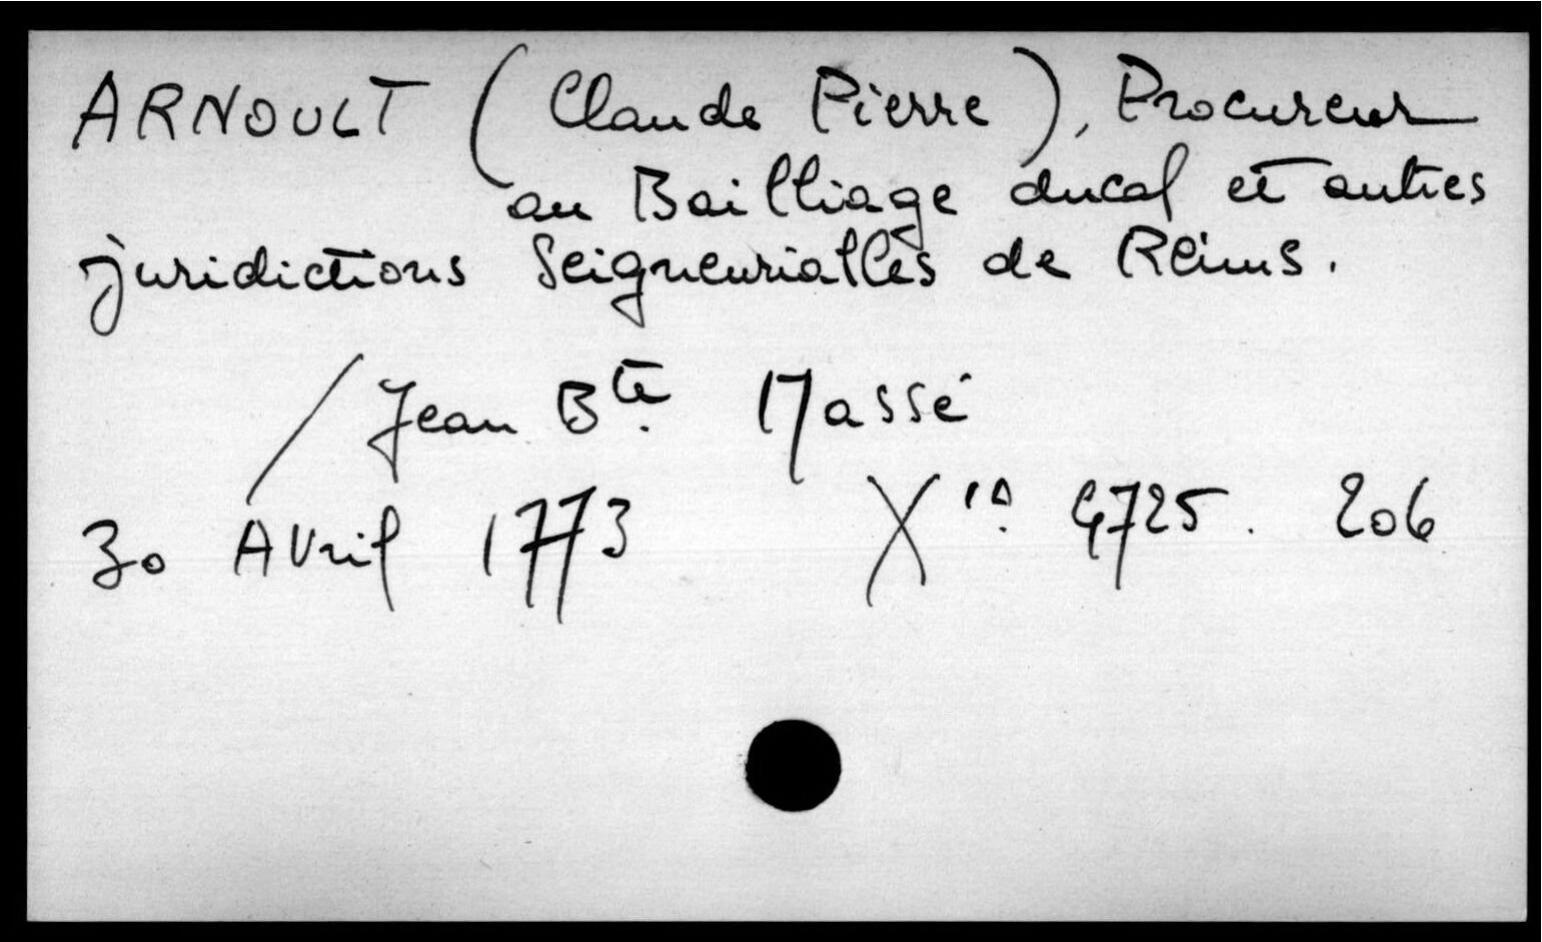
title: ARNOULT (Claude Pierre), Procureur au Bailliage ducal et autres juridictions Seigneurialles de Reims.
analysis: Contre Jean Baptiste Massé
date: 30 avril 1773
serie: X1A
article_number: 4725
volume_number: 206
